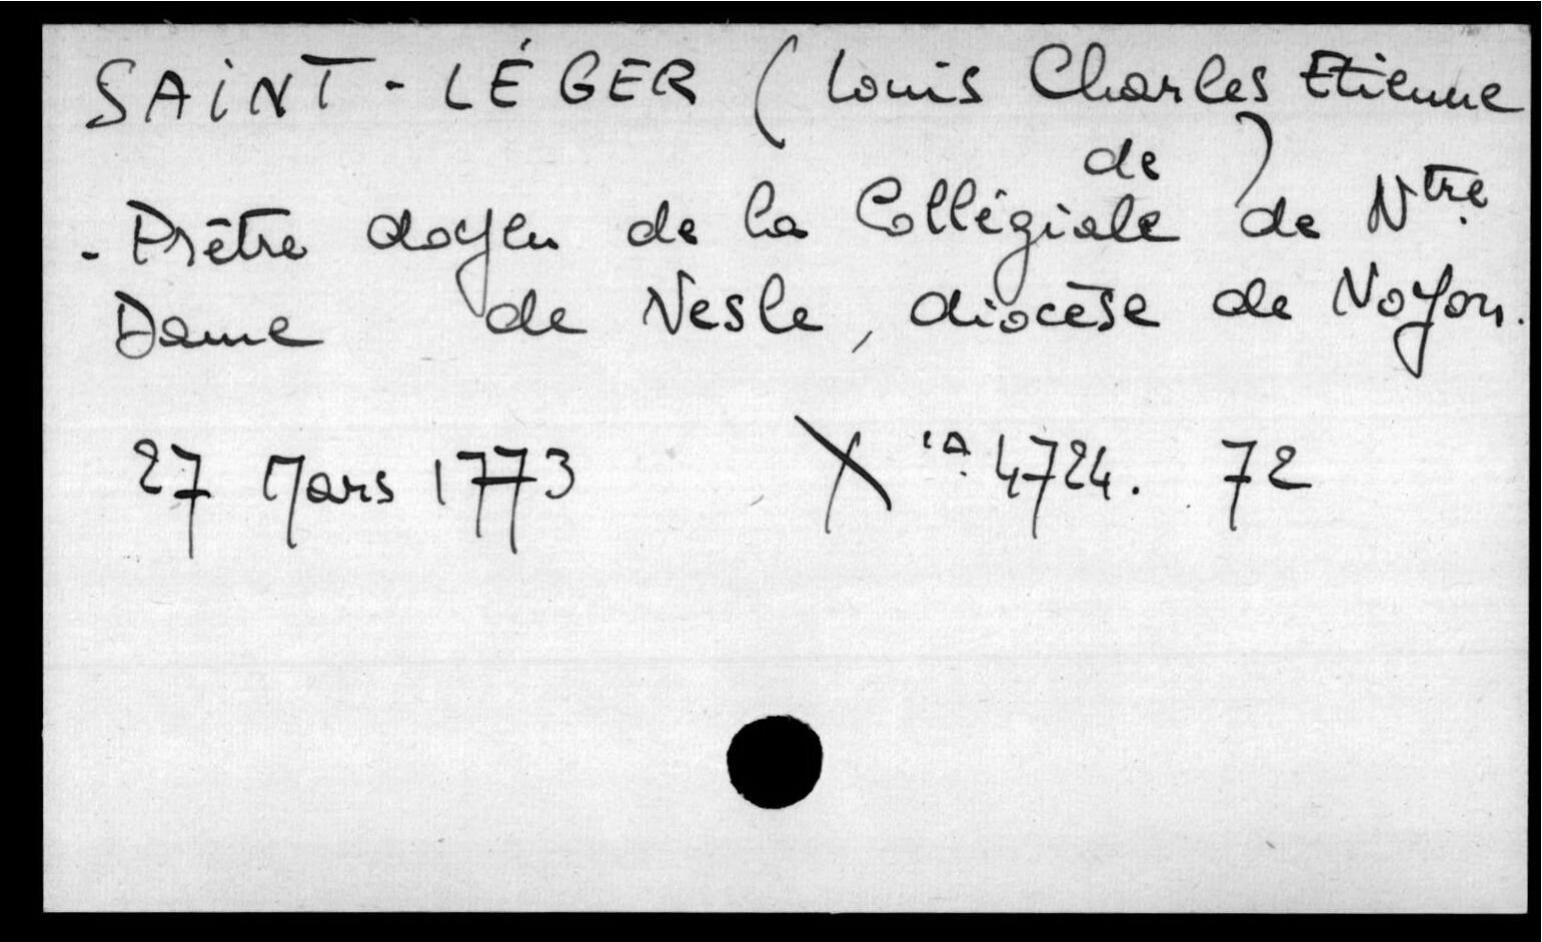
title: SAINT-LÉGER (Louis Charles Étienne de) Prêtre doyen de la Collégiale de Notre-Dame de Nesle, diocèse de Noyon.
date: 27 mars 1773
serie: X1a
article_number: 4724
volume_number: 72
